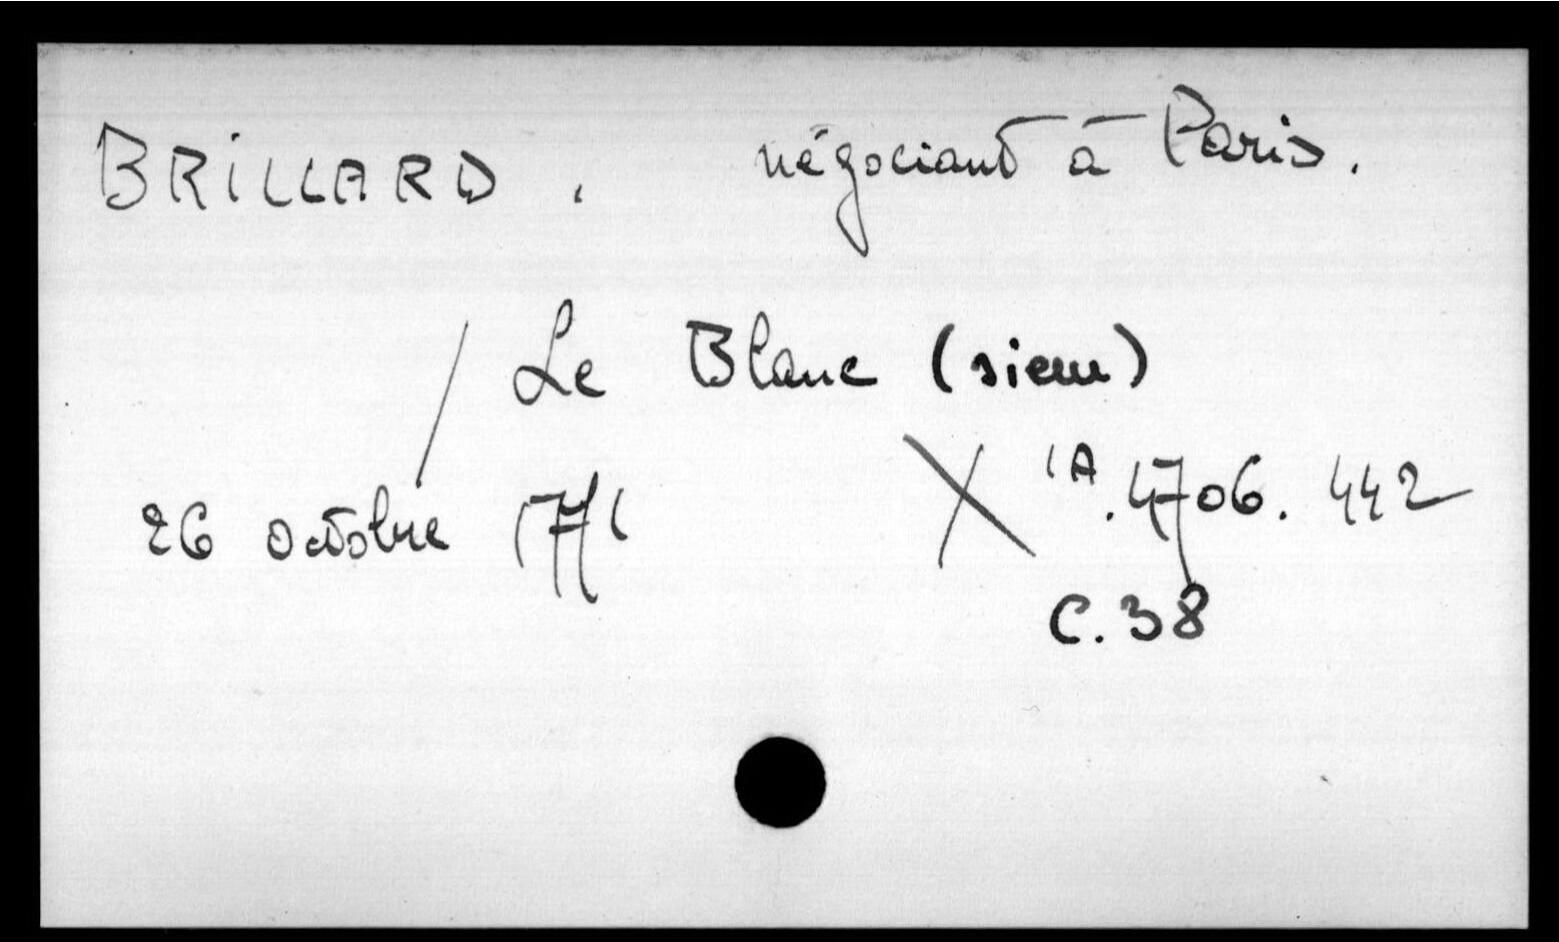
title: BRILLARD négociant à Paris.
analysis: Contre Le Blanc (Sieur)
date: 26 octobre 1771
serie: X1A
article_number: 4706
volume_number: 442 Conseil, 38
